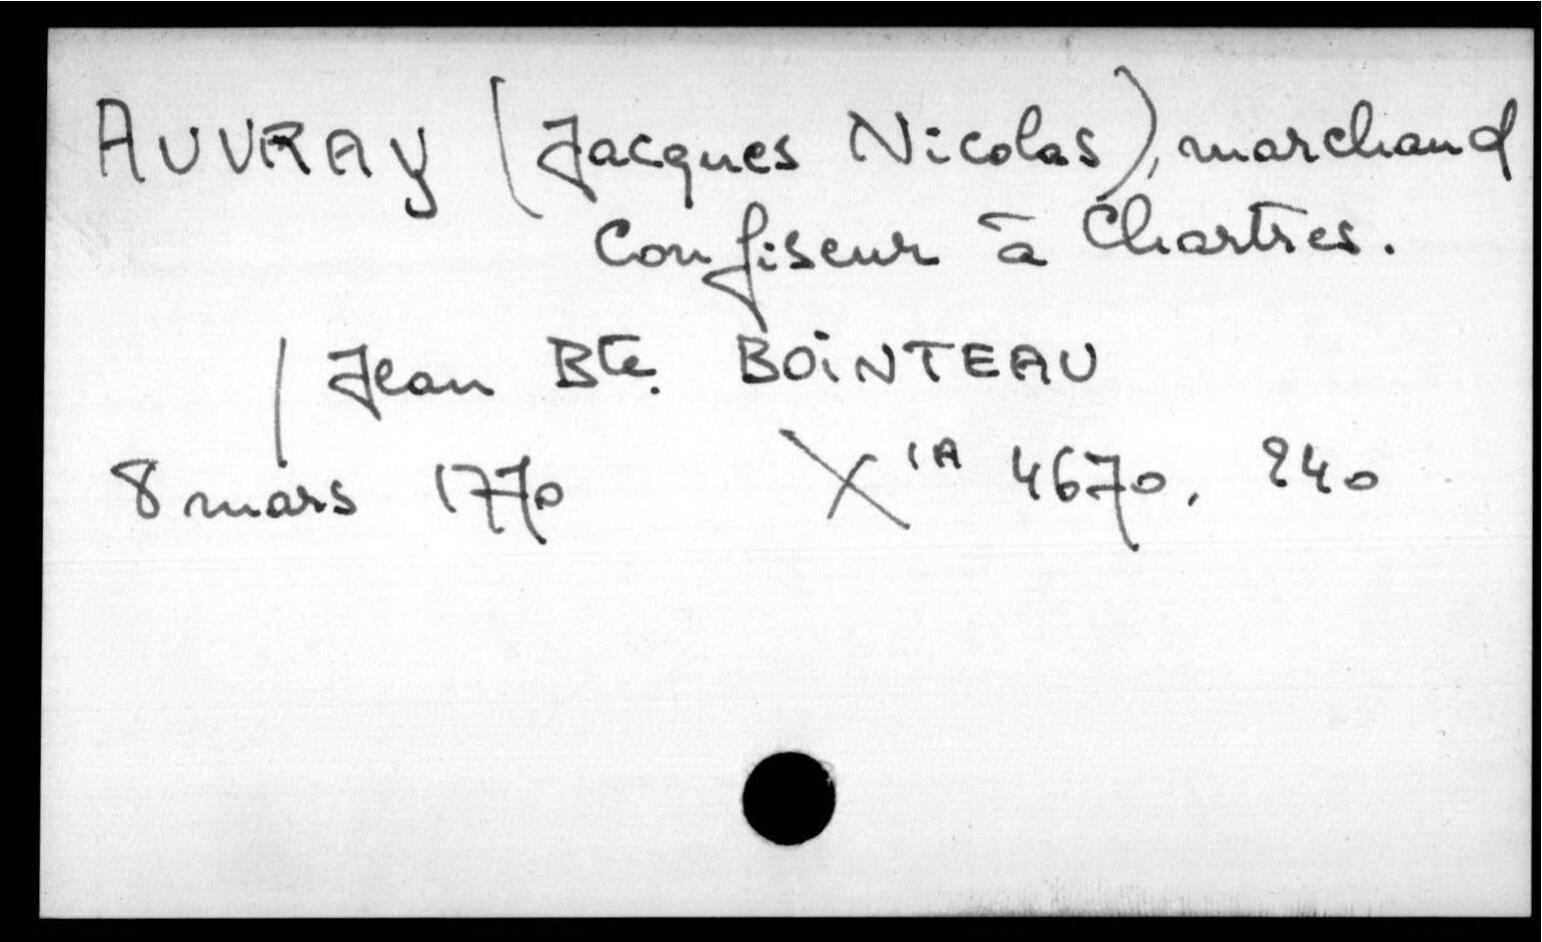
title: AUVRAY (Jacques Nicolas), marchand confiseur à Chartres
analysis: Contre Jean-Baptiste BOINTEAU
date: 8 mars 1770
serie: X1A
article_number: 4670
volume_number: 240
